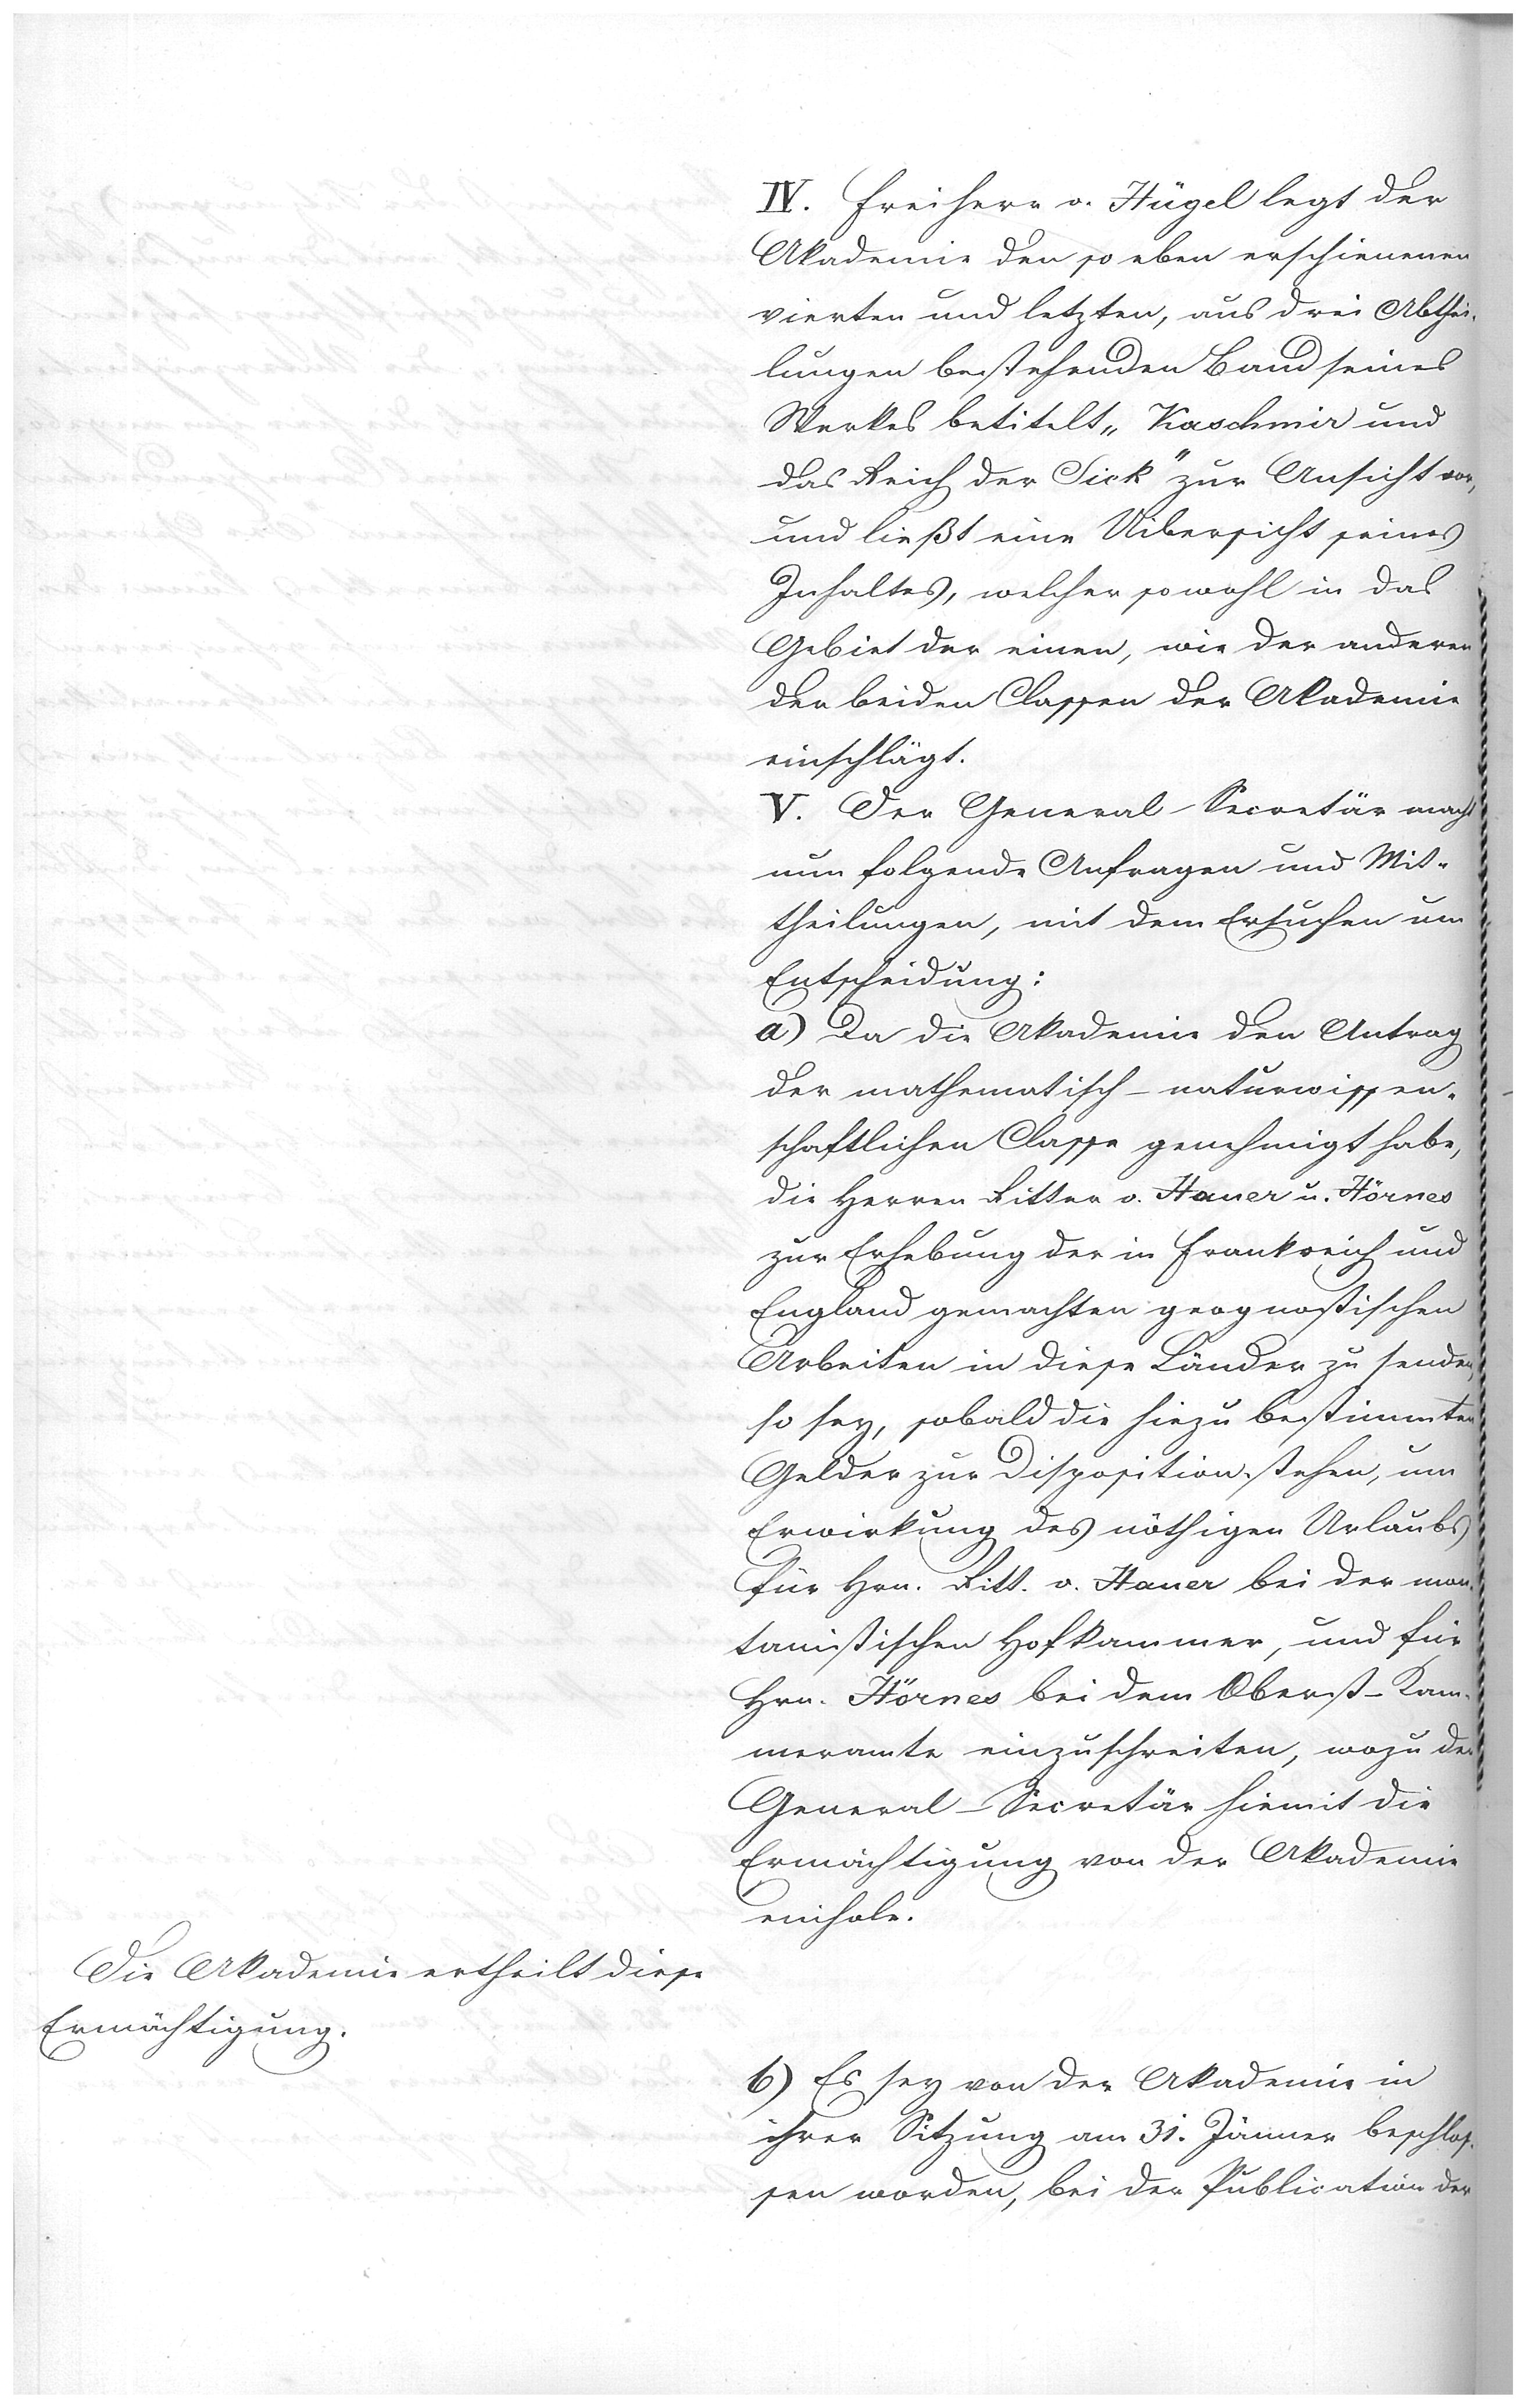IV. Freiherr v. Hügel legt der
Akademie den soeben erschienenen
vierten und letzten, aus drei Abthei-
lungen bestehenden Band seines
Werkes betitelt "Kaschmir und
das Reich der Sick" zur Ansicht vor,
und ließt eine Uibersicht seines
Inhaltes, welcher sowohl in das
Gebiet der einen, wie der anderen
der beiden Classsen der Akademie
einschlägt.
V. Der General-Secretär macht
nun folgende Anfragen und Mit-
theilungen, mit dem Ersuchen um
Entscheidung:
a) Das die Akademie den Antrag
der mathematisch-naturwissen-
schaftlichen Classe genehmigt habe,
die Herren Ritter v. Hauer u. Hörnes
zur Erhebung der in Frankreich und
England gemachten geognostischen
Arbeiten in diese Länder zu senden,
so sey, sobald die hiezu bestimmten
Gelder zur Disposition stehen, um
Erwirkung des nöthigen Urlaubs
für Hrn. Ritt. v. Hauer bei der mon-
tanistischen Hofkammer, und für
Hrn. Hörnes bei dem Oberst Kam-
meramte einzuschreiten, wozu der
General-Secretär hiemit die
Ermächtigung von der Akademie
einhole.
Die Akademie ertheilt diese
Ermächtigung.
b) Es sey von der Akademie in
ihrer Sitzung am 31. Jänner beschlos-
sen worden, bei der Publication der